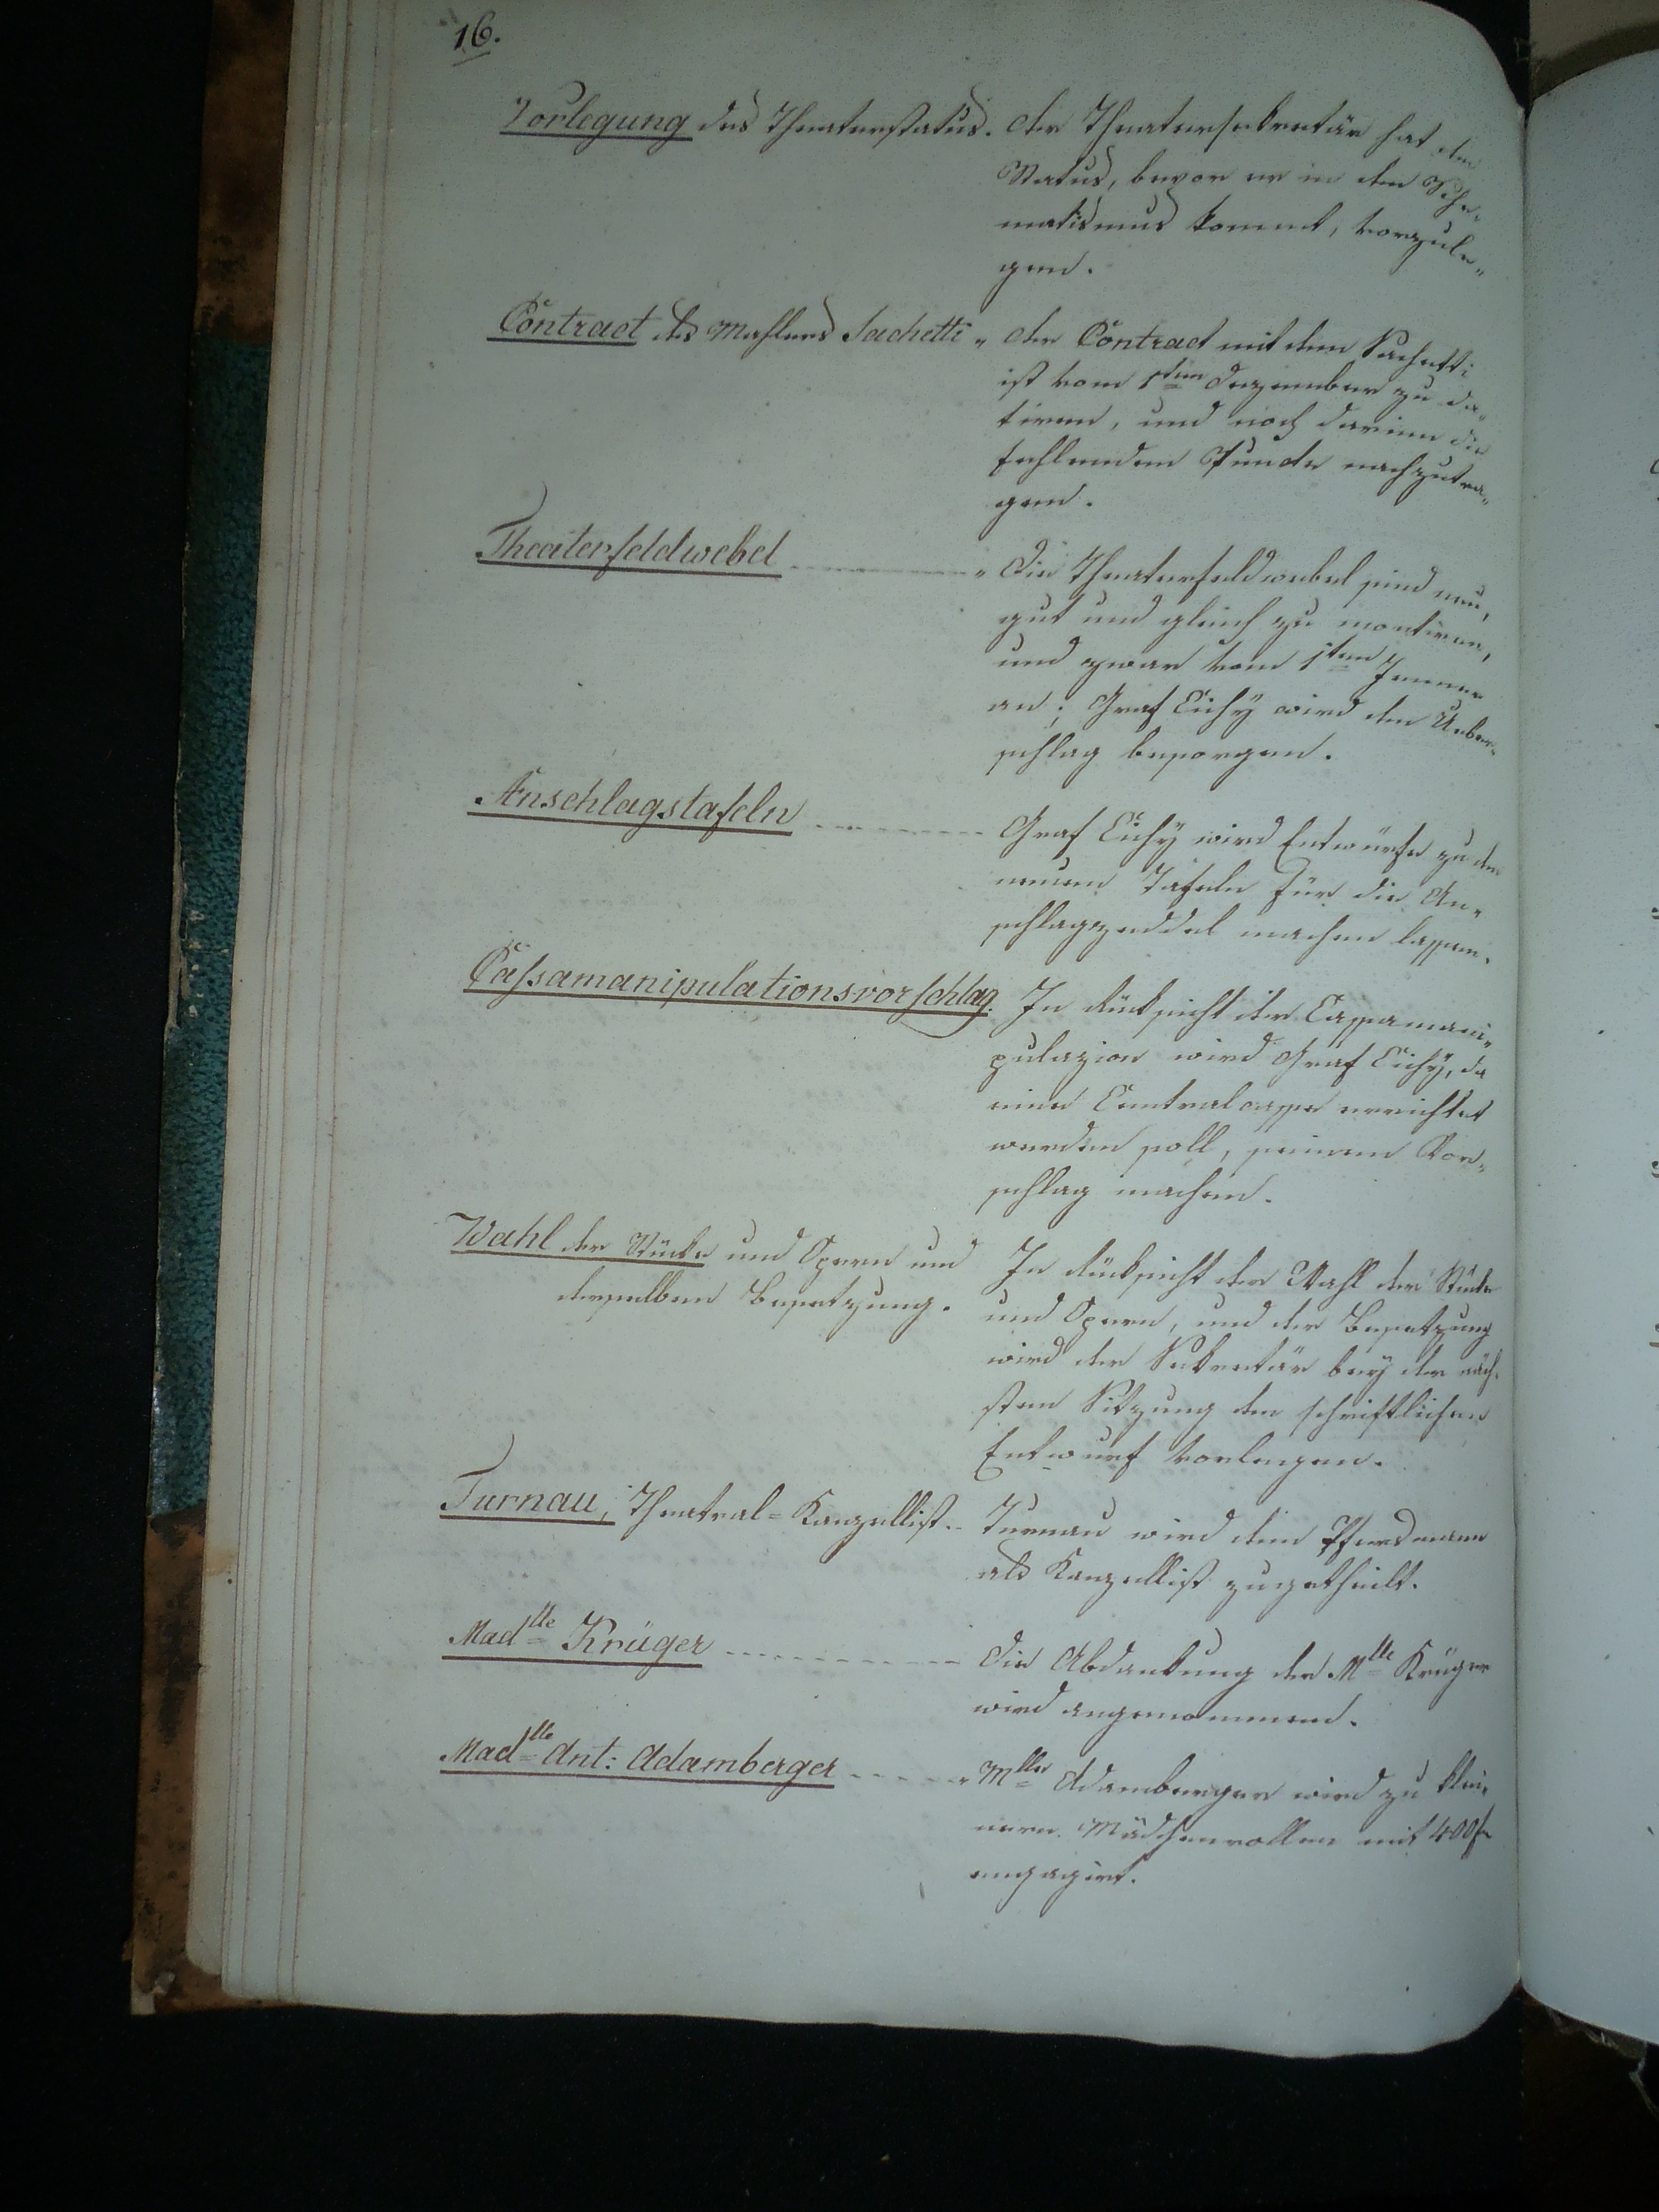16.
Vorlegung des Theaterstatus. Der Theatersekretär hat den
Status, bevor er in den Sche¬
matismus kommt, vorzule¬
gen.
Contract des Mahlers Sachetti ,, Der Contract mit dem Sachetti
ist vom 1te͇n Dezember zu da¬
tiren, und noch darinn die
fehlenden Funde nachzutra¬
gen.
Theaterfeldwebel ………….. ,, Die Theaterfeldwebel sind neu,
gut und gleich zu montiren,
und zwar vom 1te͇n Jenner
an; Graf Cichy wird den Ueber¬
schlag besorgen.
Anschlagstafeln ………. Graf Cichy wird Entwürfe zu den
neuen Tafeln für die An¬
schlagzeddel machen lassen.
Cassamanipulationsvorschlag. In Rücksicht der Cassamani¬
pulazion wird Graf Cichy, da
eine Centralcasse errichtet
werden soll, seinen Vor¬
schlag machen.
Wahl der Stücke und Opern und
derselben Besetzung.
In Rücksicht der Wahl der Stücke
und Opern, und der Besetzung
wird der Sekretär bey der näch¬
sten Sitzung den schriftlichen
Entwurf vorlegen.
Turnau, Theatral=Kanzellist .. Turnau wird dem Pfersmann
als Kanzellist zugetheilt.
Madl͇l͇e Krüger ………… Die Abdankung der Ml͇l͇e Krüger
wird angenommen.
Madl͇l͇e Ant: Adamberger …… ,, Mll͇e Adamberger wird zu klei¬
nern Mädchenrollen mit 400fn
engagirt.